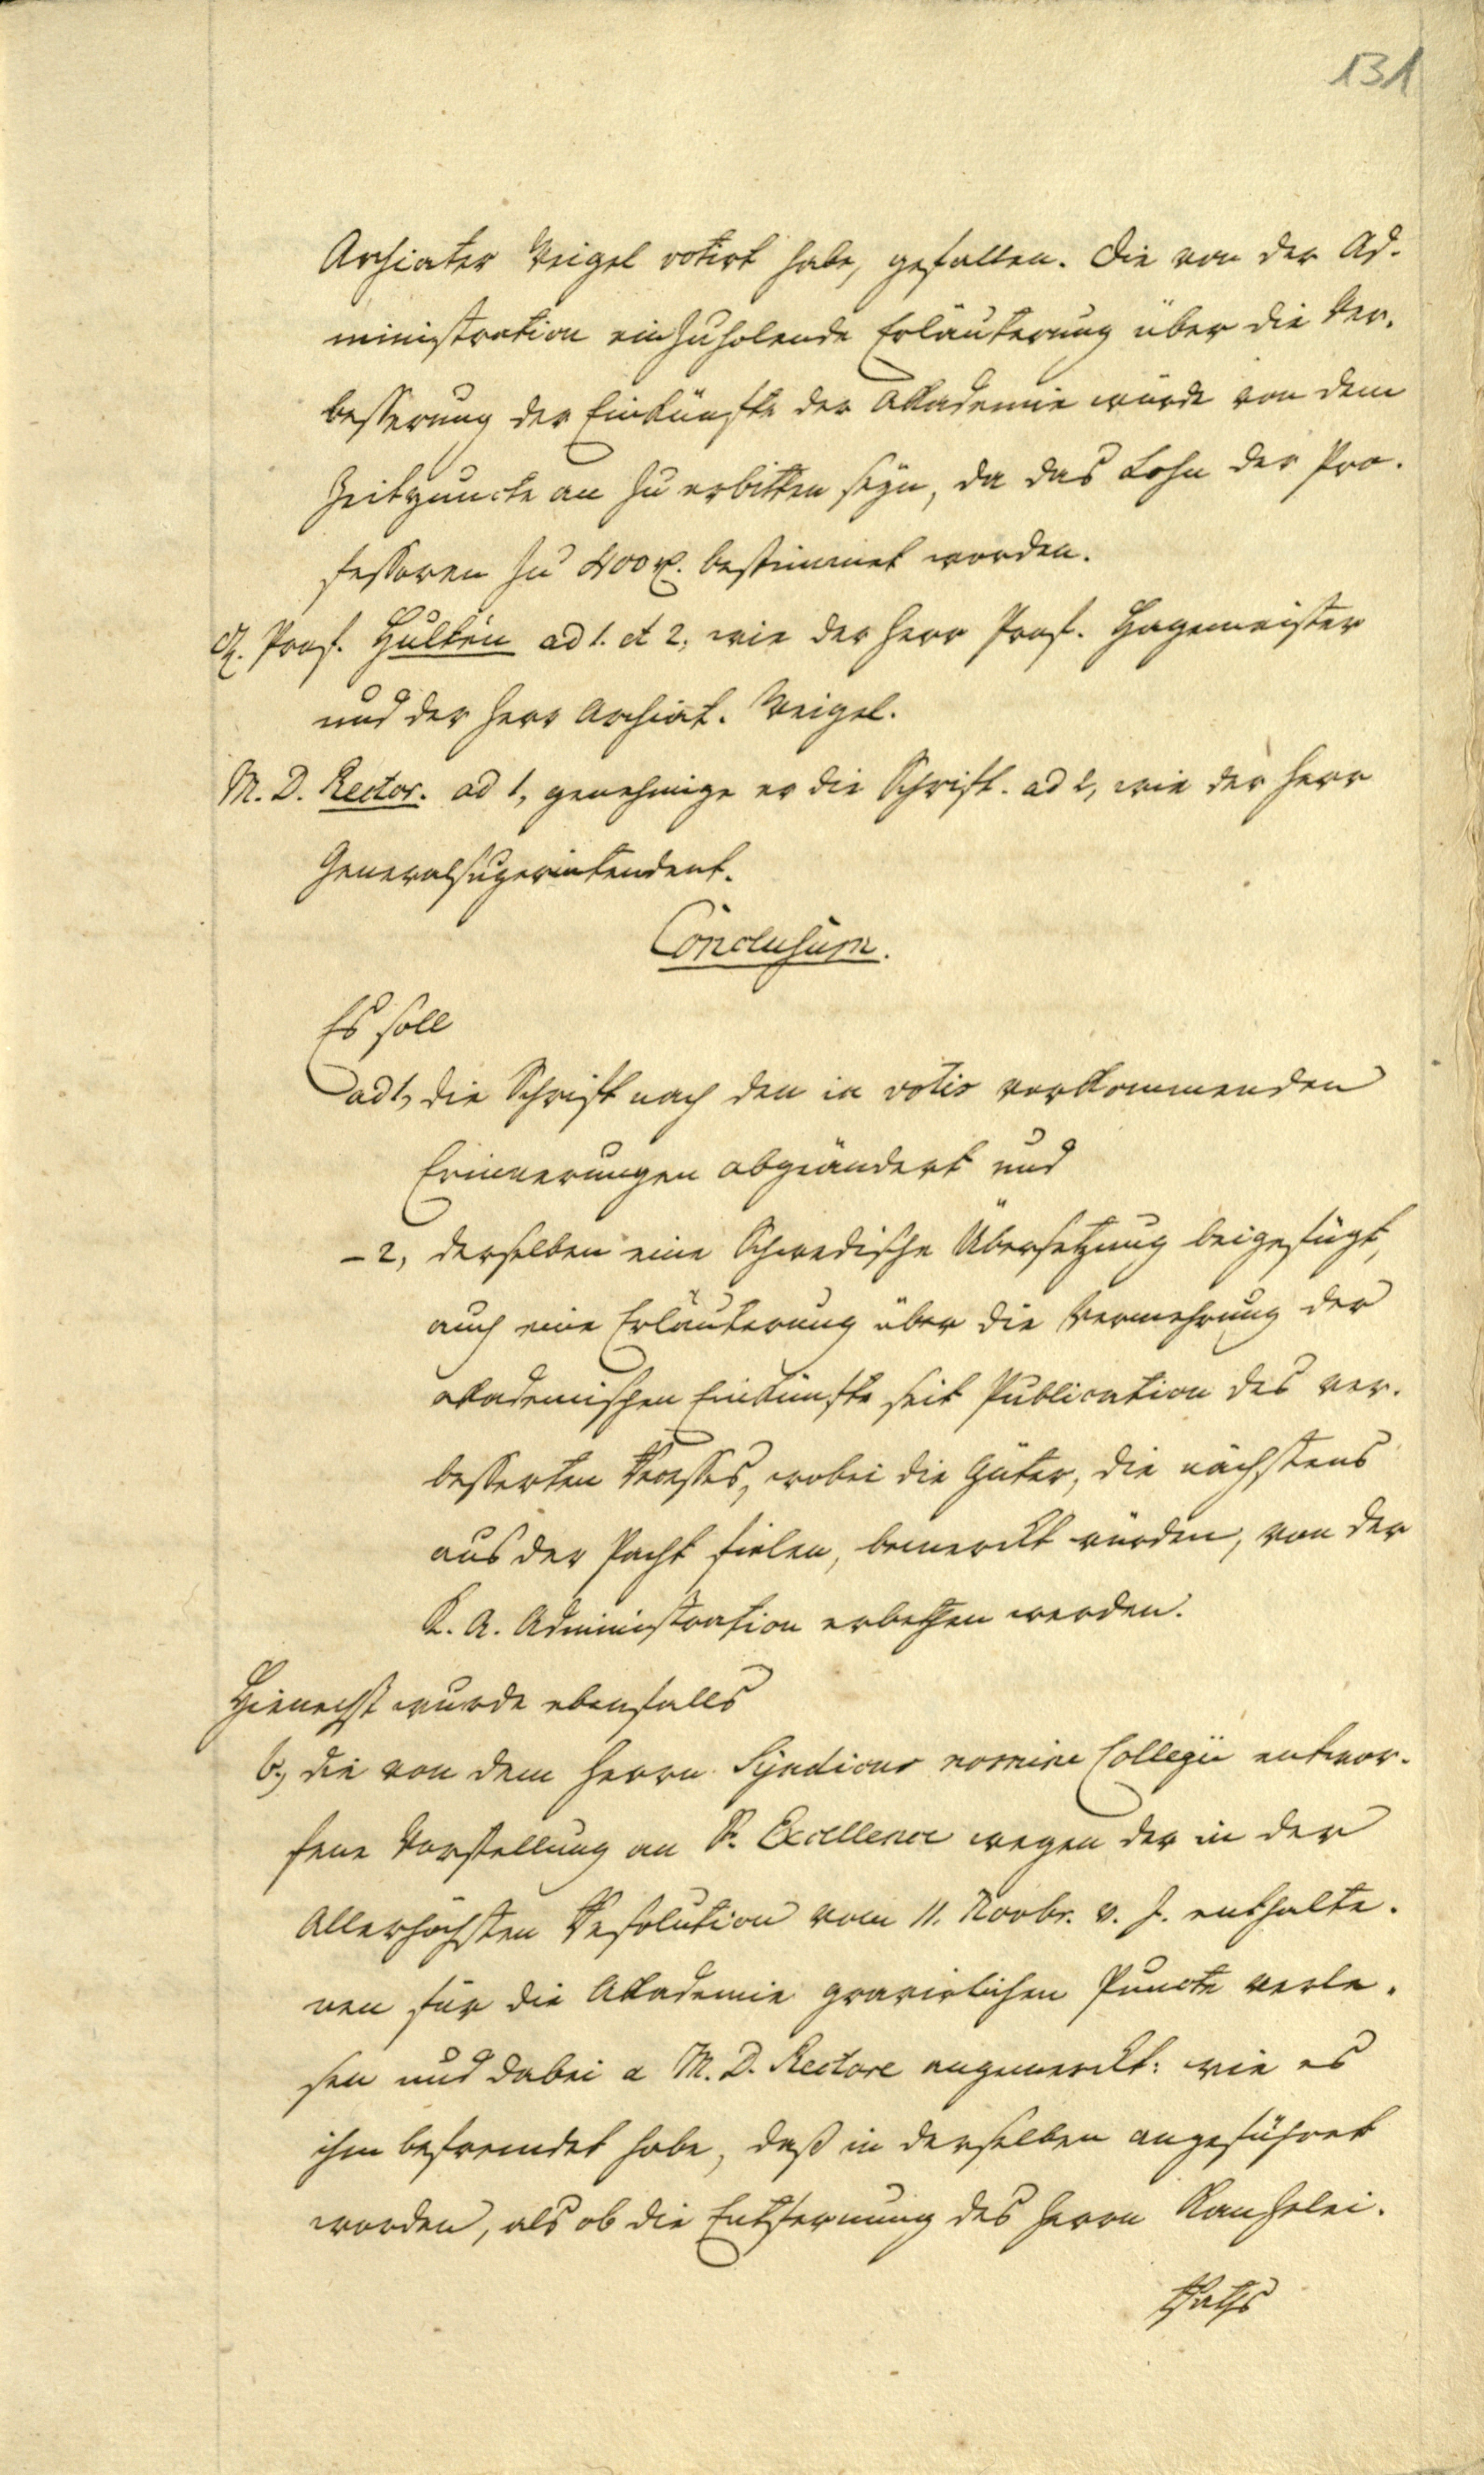Archiater Weigel votirt habe, gefallen. Die von der Ad¬
ministration einzuholende Erläuterung über die Ver¬
besserung der Einkünfte der Akademie würde von dem
Zeitzuncte an zu erbitten seÿn, da das Lohn der Pro¬
fessoren zu 400 rl. bestimmet worden.
dh. Prof. Hultén ad 1. et 2, wie der Herr Prof. Hagemeister
und der Herr Archiat. Weigel.
M. D. Rector. ad 1. genehmige er die Schrift. ad 2, wie der Herr
Generalsuperintendent.
Conclusum.
Es soll
ad 1., die Schrift nach den in votis vorkommenden
Erinnerungen abgeändert und
2, derselben eine Schwedische Übersetzung beigefügt,
auch eine Erläuterung über die Vermehrung der
akademischen Einkünfte seit Publication des ver¬
besserten Recesses, wobei die Güter, die nächstens
aus der Pacht fielen, bemerckt würden, von der
K. A. Administration erbethen werden.
Hienechst würde ebenfalls
b., die von dem Herrn Sÿndicus nomine Collegii entwor¬
fene Vorstellung an Sr. Excellence wegen der in der
Allerhöchsten Resolution vom 11. Novbr. v. J. enthalte¬
nen für die Akademie gravirlichen Puncte verle¬
sen und dabei a M. D. Rectore angemerckt: wie es
ihm befremdet habe, daß in derselben angeführet
worden, als ob die Entfernung des Herrn Kanzelei¬
Raths